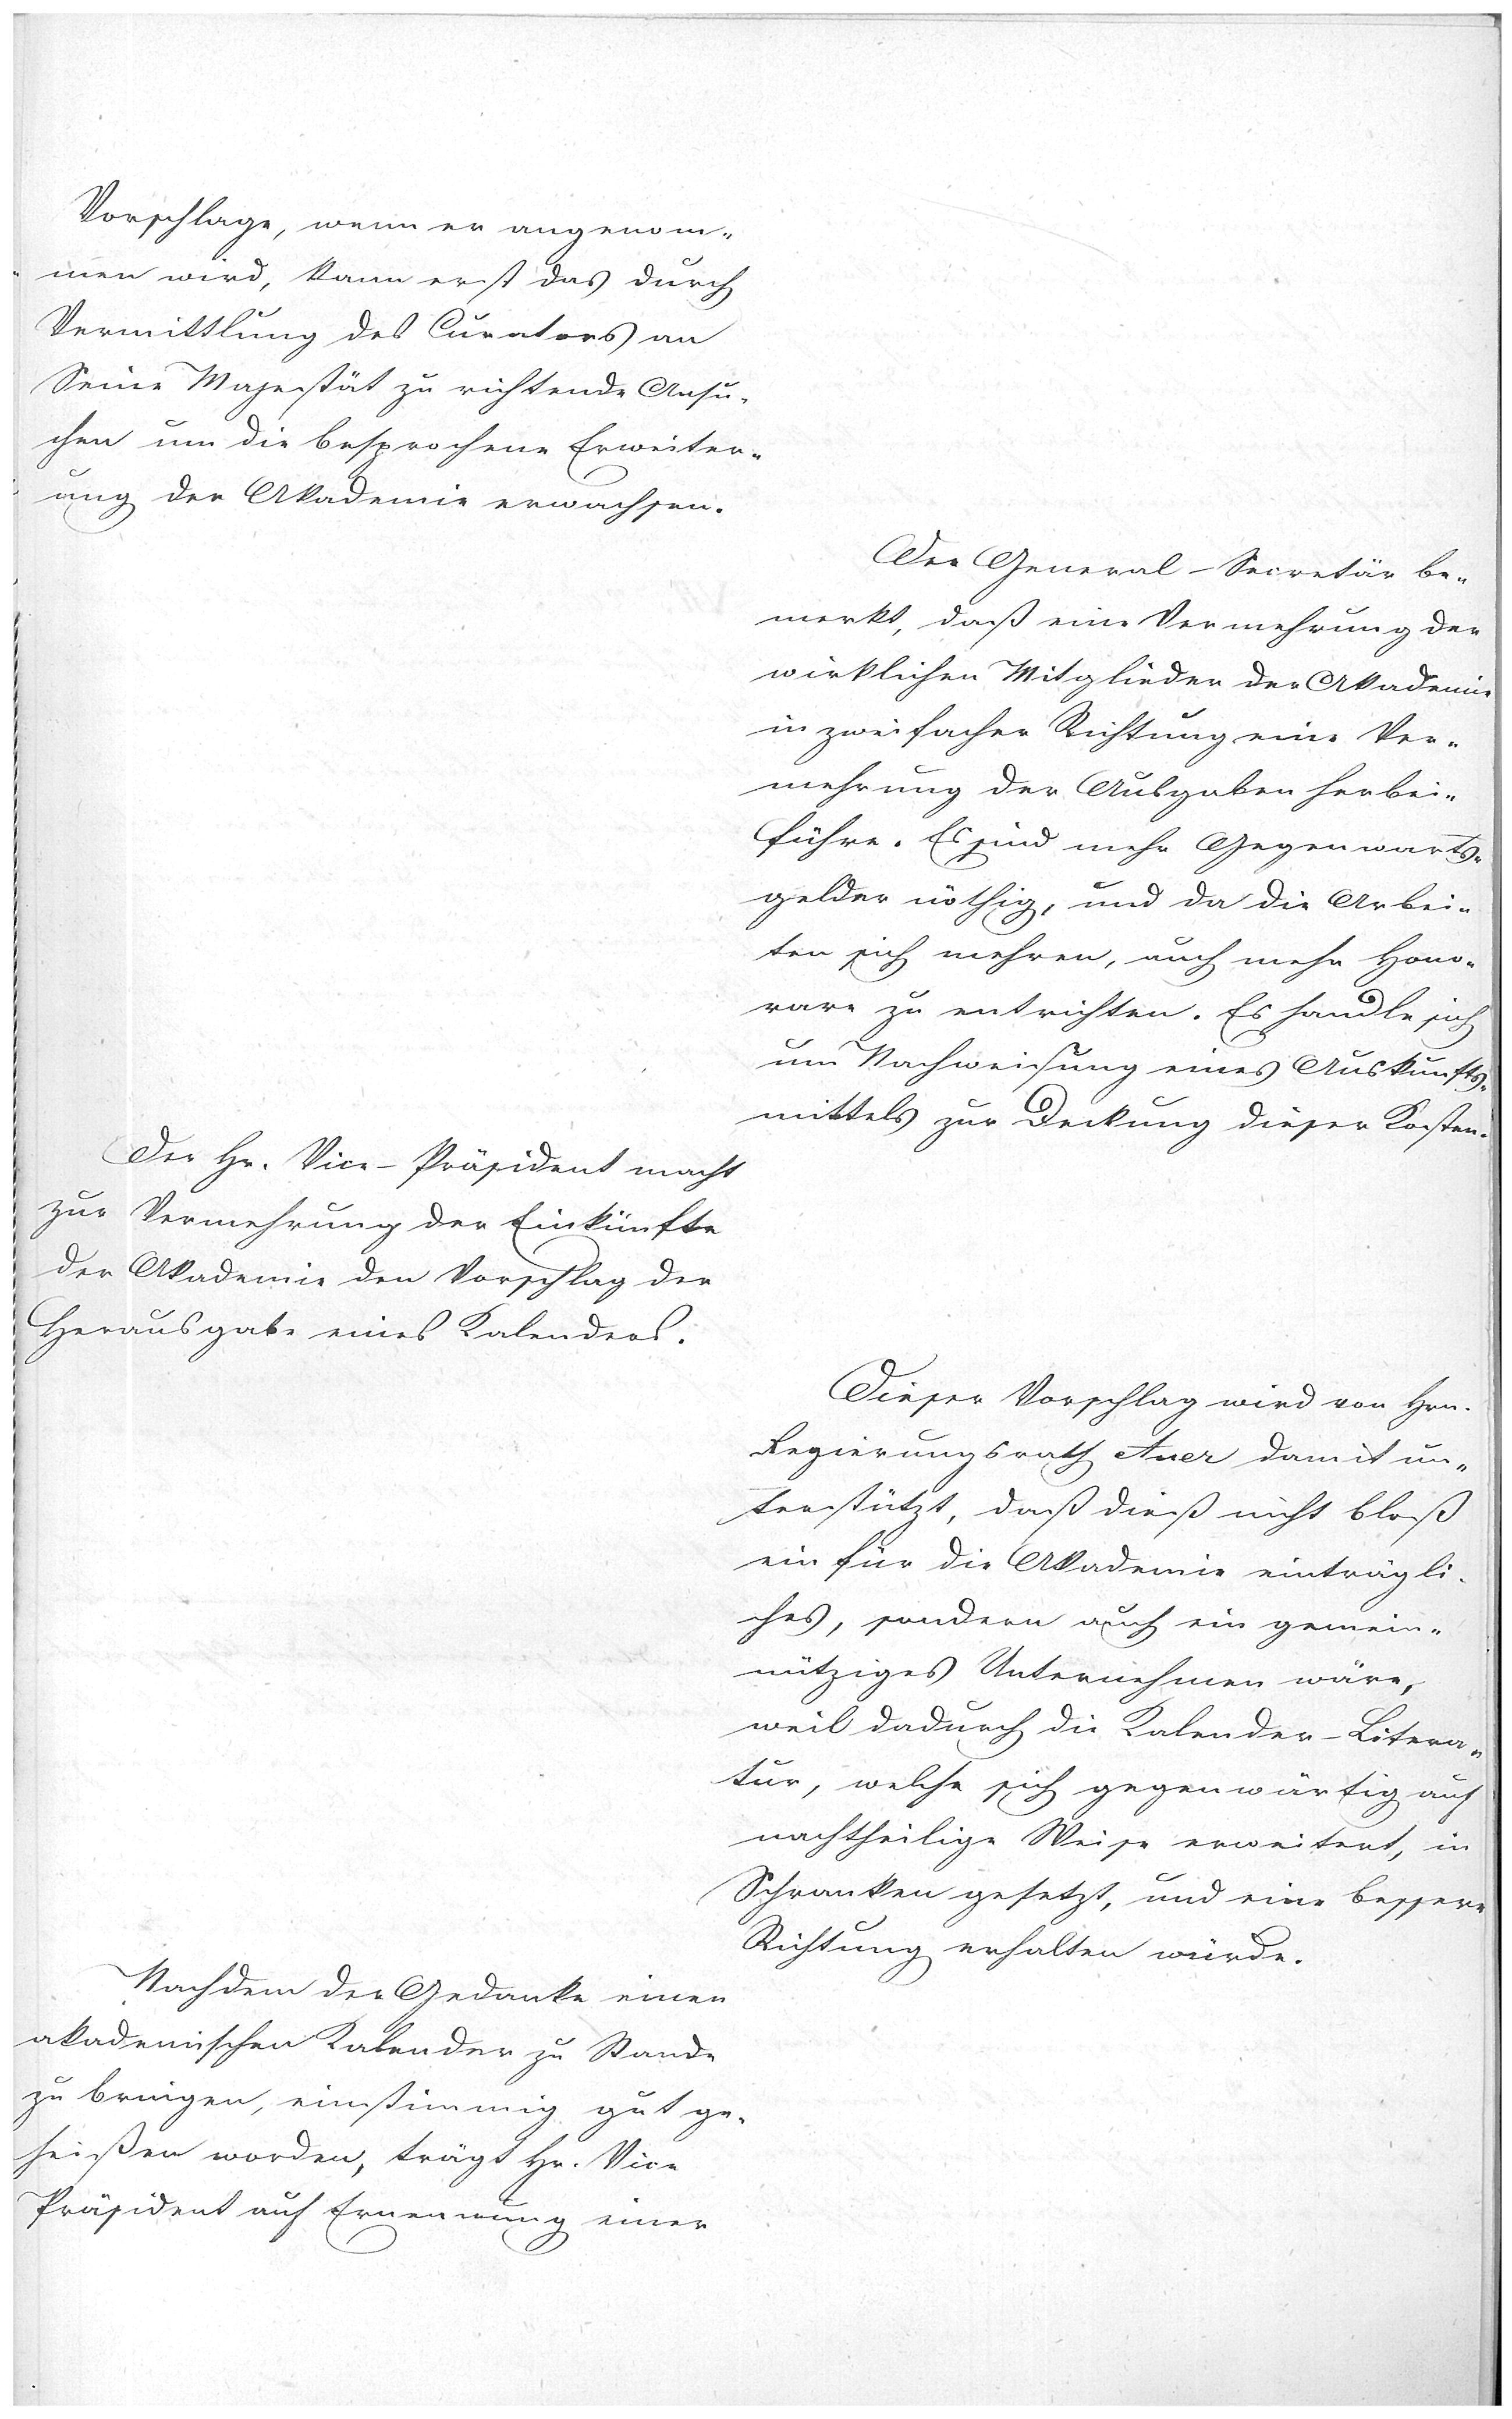Vorschlage, wenn er angenom-
men wird, kann erst das durch
Vermittlung des Curators an
Seine Majestät zu richtende Ansu-
chen um die besprochene Erweiter-
ung der Akademie erwachsen.
Der General-Secretär be-
merkt, daß eine Vermehrung der
wirklichen Mitglieder der Akademie
in zweifacher Richtung eine Ver-
mehrung der Ausgaben hierbei-
führe. Es sind mehr Gegenwarts-
gelder nöthig, und da die Arbei-
ten sich mehren, auch mehr Hono-
rare zu entrichten. Es handle sich
um Nachweisung eines Auskunfts-
mittels zur Deckung dieser Kosten.
Der Hr. Vice-Präsident macht
zur Vermehrung der Einkünfte
der Akademie den Vorschlag der
Herausgabe eines Kalenders.
Dieser Vorschlag wird von Hrn.
Regierungsrath Auer damit um-
terstützt, daß dieß nicht bloß
ein für die Akademie einträgli-
ches, sondern auch ein gemein-
nütziges Unternehmen wäre,
weil dadurch die Kalender-Litera-
tur, welche sich gegenwärtig auf
nachtheilige Weise erweitert, in
Schranken gesetzt, und eine bessers
Richtung erhalten würde.
Nachdem der Gedanke einen
akademischen Kalender zu Stande
zu bringen einstimmig gut ge-
heißen worden, trägt Hr. Vice-
Präsident auf Ernennung einer